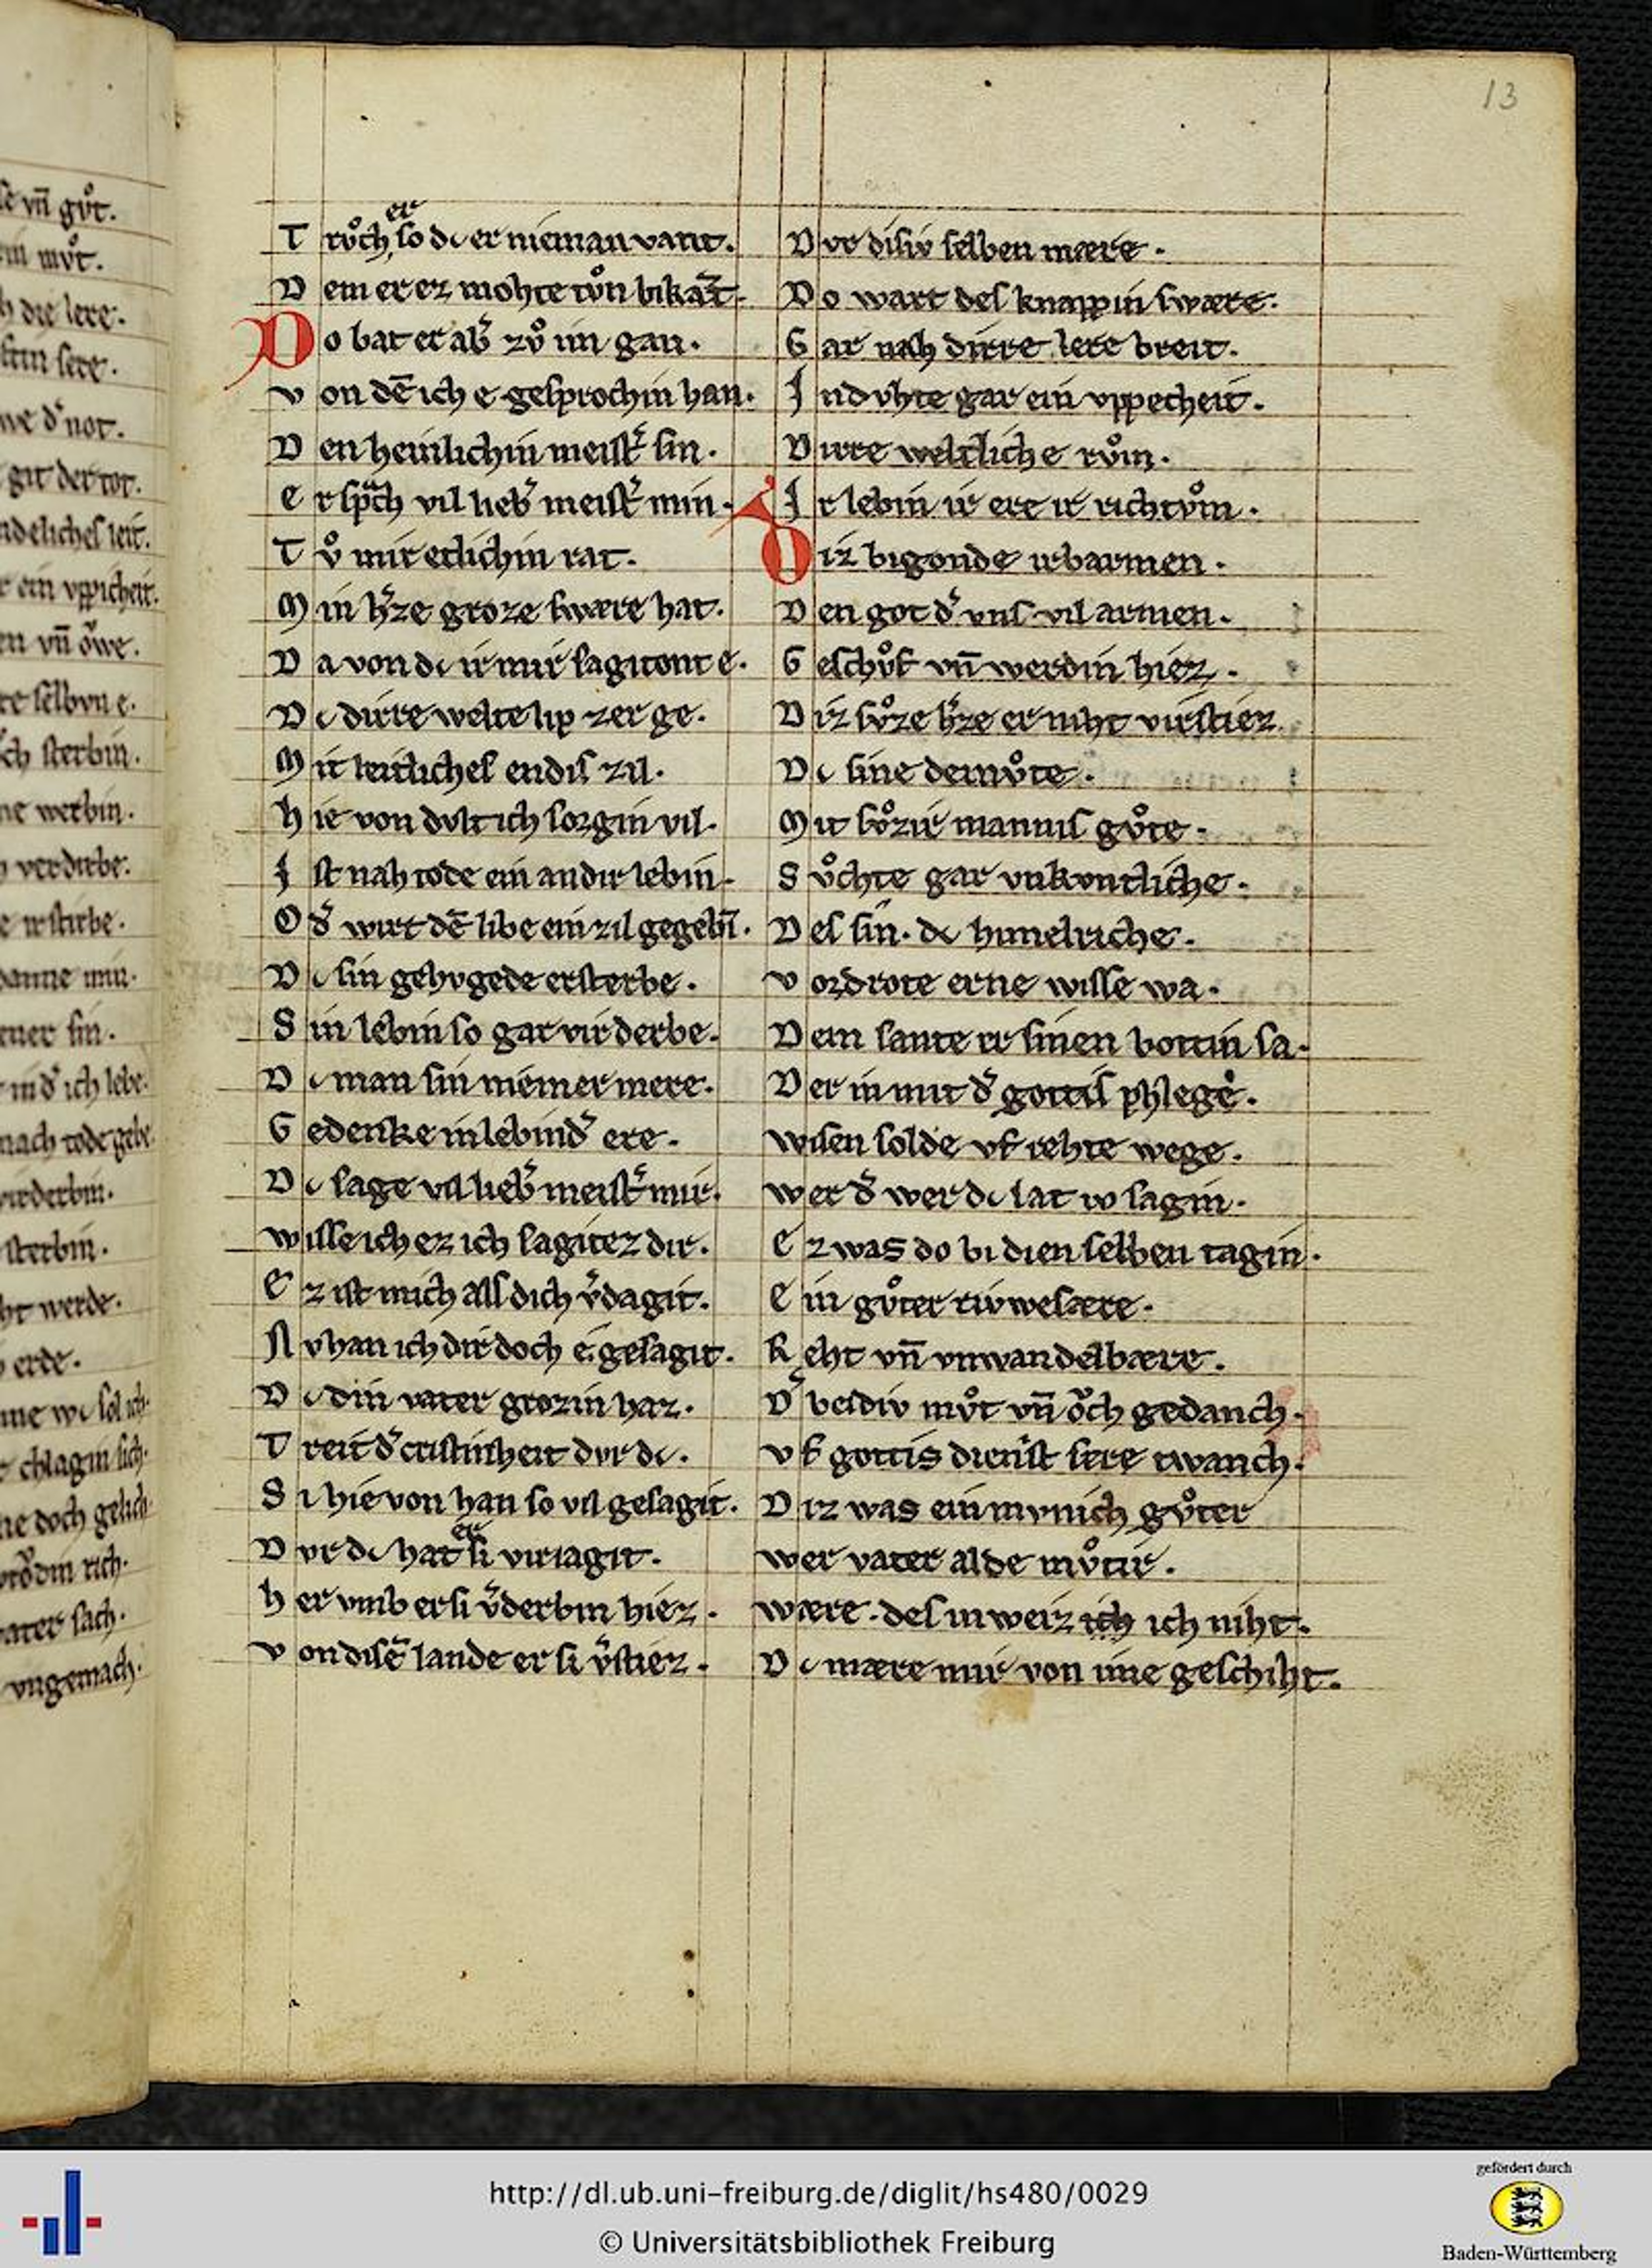Trv°och °(er) ſo d(az) er nieman vant.
Dem er ez mohte tv°on bika(n)t.
*Do bat er ab(er) zv°o im gan.
Von de(m) ich e geſprochin han.
Den heinlichin meiſt(er) ſin.
Er ſp(ra)ch vil lieb(er) meiſt(er) min.
Tv°o mir etlichin rat.
Min h(er)ze groze ſw[ae]re hat.
Da von d(az) ir mir ſagitont e.
D(az) dirre welte lip zer ge.
Mit leitlicheſ endiſ zil.
Hie von dvlt ich ſorgin vil.
Iſt nah tode ein andir lebin.
Od(er) wirt de(m) libe ein zil gegebi(n).
D(az) ſin gehvgede erſterbe.
Sin lebin ſo gar virderbe.
D(az) man ſin niemer mere.
Gedenke in lebind(er) ere.
D(az) ſage vil lieb(er) meiſt(er) mir.
Wiſſe ich ez ſagitez dir.
Ez iſt mich alſ dich v(er)dagit.
Nv han ich dir doch e geſagit.
D(az) din vater grozin haz.
Treit d(er) criſtinheit dvr d(az).
Si hie von han ſo vil geſagit.
Dvr d(az) hat °(er) ſi viriagit.
Her vmb er ſi v(er)derbin hiez.
Von diſe(m) lande er ſi v(er)ſtiez.
Dvr diſiv ſelben m[ae]re.
Do wart deſ knappin ſw[ae]re.
Gar nah dirre lere breit.
Indvhte gar ein vppecheit.
Dirre weltiche rv°om.
Irlebin ir ere ir richtv°om.
*Diz bigonde irbarmen.
Den got d(er) vnſ vil armen.
Geſchv°of vn(d) werdin hiez.
Diz ſv°oze h(er)ze er niht virſtiez.
D(az) ſine demv°ote.
Mit ſv°ozir mannis gv°ote.
Sv°ochte gar vnkvtliche.
Deſ ſin. daz himelriche.
Vordrote erne wiſſe wa.
Dem ſante er ſinen bottin ſa.
Der in mit d(er) gottiſ phlege.
Wiſen ſolde vf rehte wege.
Wer d(er) wer d(az) lat iv ſagin.
Ez was do bi dien ſelben tagin.
Ein gv°oter rivweſ[ae]re.
Reht vn(d) vnwandelb[ae]re.
D(er) beidiv mv°ot vn(d) o°vch gedanch.
Vf gottis dienſt ſere twanch.
Diz was ein mvnich gv°oter
Wer vater alde mv°otir.
w[ae]re. deſ inweiz ich ich niht.
D(az) m[ae]re mir von ime geſchiht.